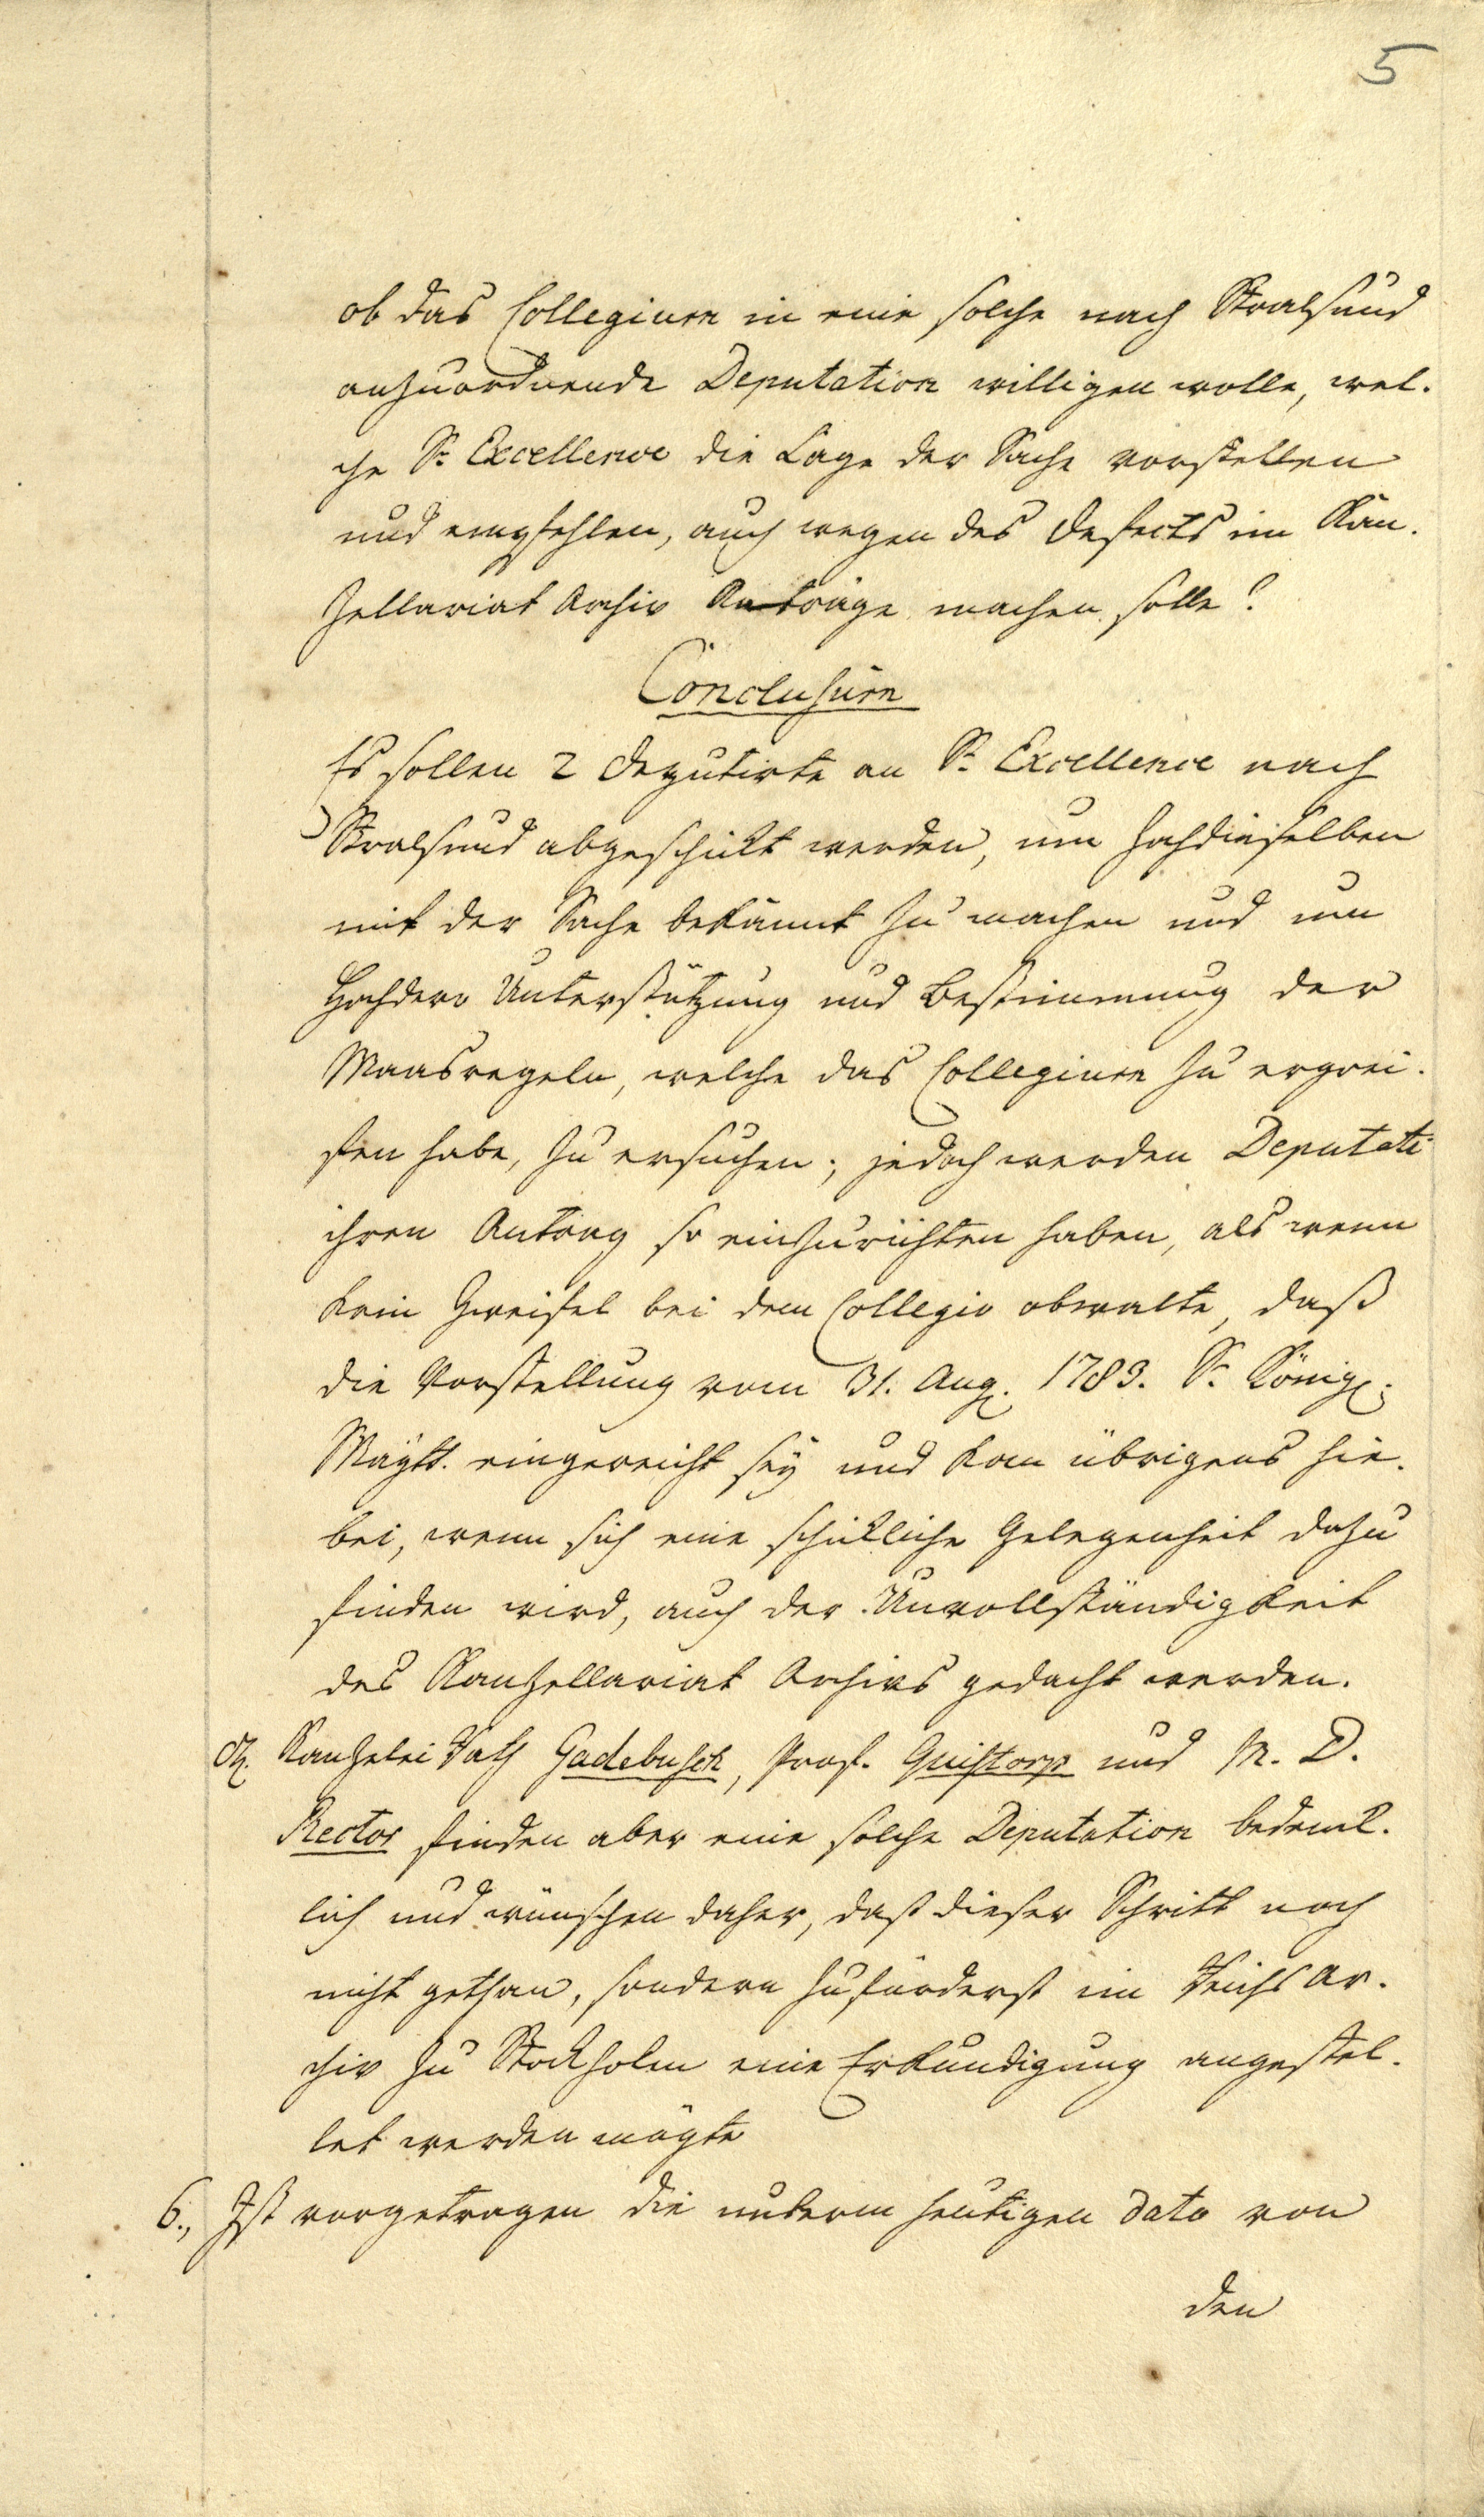ob das Collegium in eine nach Stralsund
anzuordnende Deputation willigen wolle, wel¬
che Sr. Excellence die Lage der Sache vorstellen
und empfehlen, auch wegen des Defects im Kan¬
zellariat Archiv Anträge machen solle?
Conclusum
Es sollen 2 Deputirte an Se. Excellence nach
Stralsund abgeschickt werdn, um hochdieselben
mit der Sache bekannt zu machen und um
Hochdero Unterstützung und Bestimmung der
Maasregeln, welche das Collegium zu ergrei¬
fen habe, zu ersuchen; jedoch werden Deputati
ihren Antrag so einzurichten haben, als wenn
kein Zweifel bei dem Collegio obwalte, daß
die Vorstellung vom 31. Aug. 1783. Sr. Königl.
Maÿtt. eingereicht seÿ und kan übrigens hie¬
bei, wenn sich eine schickliche Gelegenheit bdazu
finden wird, auch der Unvollständigkeit
des Kanzellarit Archivs gedacht werden.
dh. Kanzelei Rath Gadebusch, Prof. Quistorp und M. D.
Rector finden aber eine solche Deputation bedenck¬
lich und wünschen daher, daß dieser Schritt noch
nicht gethan, sondern zuförderst im Reichsar¬
chiv zu Stockholm eine Erkundigung angestel¬
let werden mögte.
6., Ist vorgetragen die unterm heutigen dato von
den